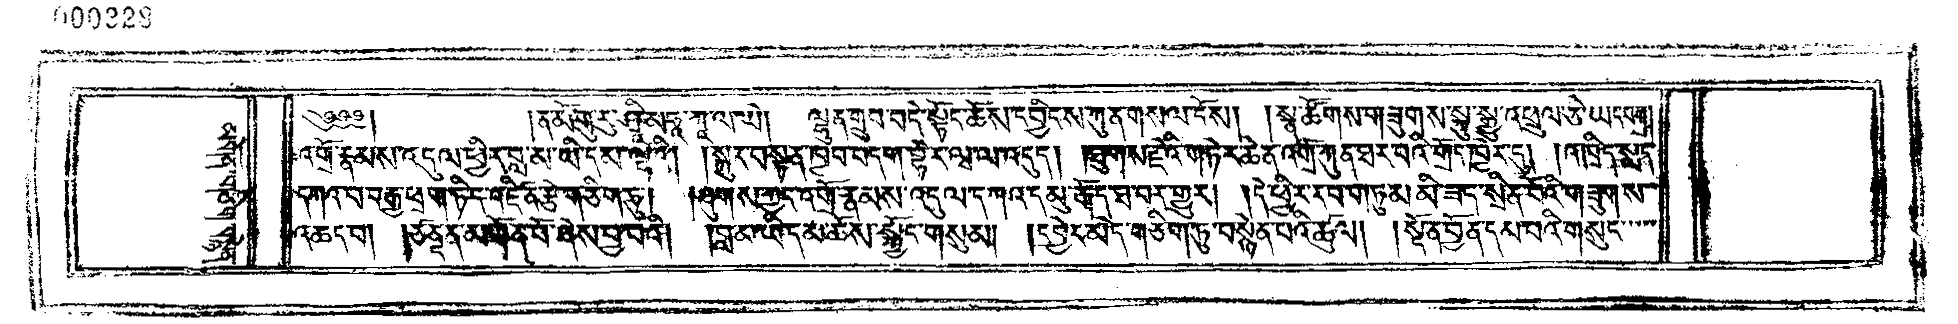༄༅༅། །ན་མོ་གུ་རུ་ཤྲཱི་མཧཱ་ཀཱ་ལ་ཡེ། ལྷུན་གྲུབ་བདེ་སྟོང་ཆོས་དབྱིངས་ཀུན་གསལ་ངོས། །སྣ་ཚོགས་གཟུགས་སྐུ་སྒྱུ་འཕྲུལ་ཅི་ཡང་བཀྲ།
འགྲོ་རྣམས་འདུལ་ཕྱིར་བླ་མ་ཡི་དམ་ལྷའི། །སྐུར་བསྟན་ཁྱབ་བདག་བྷེ་ར་ལྭ་ལ་འདུད། །ཐུགས་རྗེའི་གཏེར་ཆེན་འགྲོ་ཀུན་ཐར་བའི་གྲོང་ཁྱེར་དུ། །འཁྲིད་སླད་
དཀའ་བ་བརྒྱ་ཕྲག་ཏིང་འཛིན་རྩེ་གཅིག་ཏུ། །ཞུགས་ཀྱང་འགྲོ་རྣམས་འདུལ་དཀའ་དམུ་རྒོད་ཐ་བར་གྱུར། །དེ་ཕྱིར་རབ་གཏུམ་མི་ཟད་སྲིན་པོའི་གཟུགས་
འཆད་བ། །ཙནྡན་མགོན་པོ་ཞེས་བྱ་བའི། །བླ་མ་ཡི་དམ་ཆོས་སྐྱོང་གསུམ། །དབྱེར་མེད་གཅིག་ཏུ་བསྙེན་པའི་ཚུལ། །སྔོན་བྱོན་དམ་པའི་གསུང་